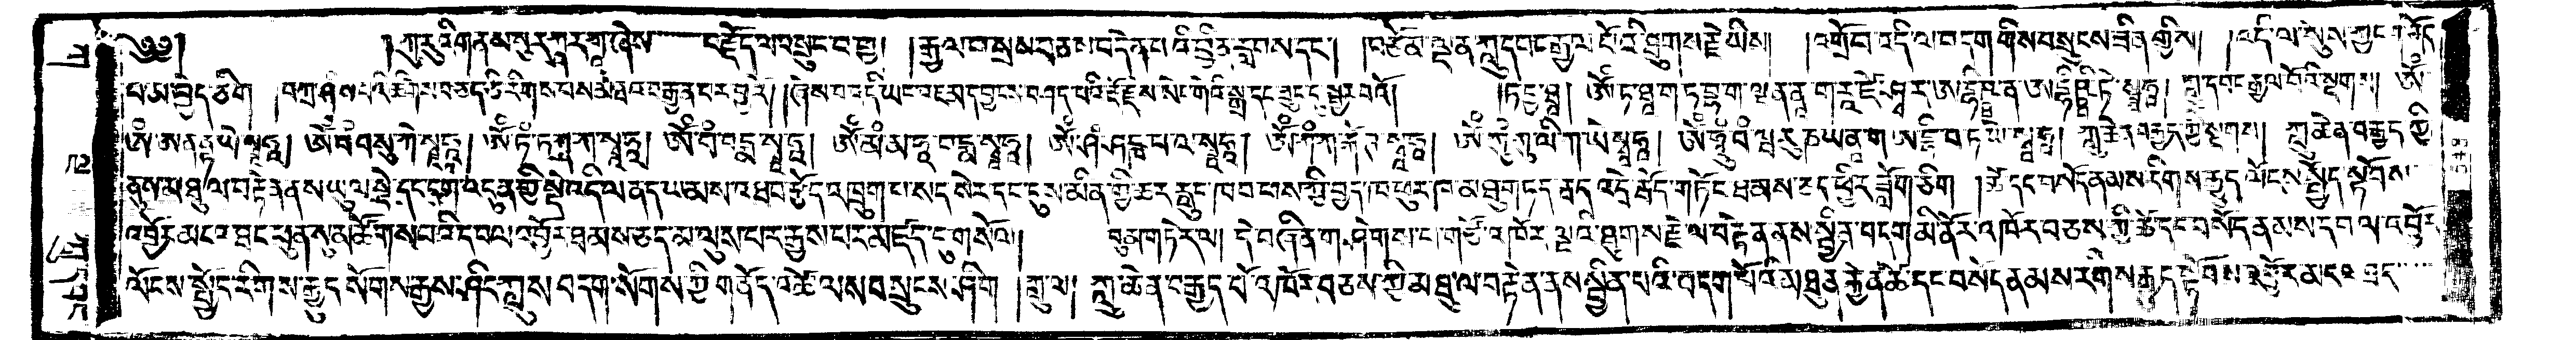༄༅། །ཀུ་རུའི་གནས་ཀུར་ཀྴར་གཱ་ཞེས། བརྗོད་ལ་བསྲུང་བ་གྱ། །རྒྱལ་བ་སྲས་བཅས་བདེན་བའི་བྱིན་རླབས་དང་། །བཅོམ་ལྡན་ཀླུད་བང་རྒྱལ་བོའི་ཐུག་པ་རྗེ་ཡིས། །འགྲོ་བ་འདིལ་བདག་གིས་བསྲུངས་ཟིན་གྱིས། །འདི་ལ་སུས་ཀྱང་?གོད་
པ་མ་བྱེད་ཅིག། བཀྲ་ཞས་འཚིགས་ཅད་ཅི་རིགས་བས་ཙ་ཐབ་བརྒྱན་བར་བྱའོ། །ཞེས་བ་འདི་ཡང་བྗམ་དབྱ་བ་བཤད་པའི་རྡོ་རྗེས་སེང་གེའི་སྒྲ་དང་ཐུང་དུ་སྦྱར་བའོ། །ཏ་བྱ་ཐཱ། ཨོཾ་ཏ་ཐཱ་ག་ཏ་བྷ་ག་ལྡན་ནཱ་ག་རཱ་ཛེ་ཤྭ་ར་ཨ་དྷི་ཥྠ་ན་ཨ་དྷི་ཥཊཿཨི་ཏེ་སྭཱཧཱ། ཀླུ་དབང་རྒྱལ་བོའི་སྔགས། ཨོཾ་
ཨཾ་ཨན་སྟ་ཡེ་སྭཱ་ཧཱ། ཨོཾ་བྀ་བསུ་ཀེ་སྭཱ་ཧཱ། ཨོཾ་ཏཾ་ཧ་ཀྴ་ཀ་སྭཱ་ཧཱ། ཨོཾ་བཾ་པདམ་སྭཱ་ཧཱ། ཨོཾ་མ་མ་ཧཱ་པདམ་སྭཱ་ཧཱ། ཨོཾ་ཤཾ་ཤངྦ་པ་ལ་སྭཱ་ཧཱ། ཨོཾ་ཀམ་ཀ་རྐོག་ཊ་སྭཱ་ཧཱ། ཨོཾ་ཀུཾ་ཀུ་ལི་ཀ་ཡེ་སྭཱ་ཧཱ། ཨོཾ་ཧཱུཾ་བམ་ཝ་རུ་ཎ་ཡ་ཞཱ་ག་ཨ་དྷི་བཏ་ཡེ་སྭཱ་ཧཱ། ཀླུ་ཆེན་བརྒྱད་ཀྱ་སྔགས། ཀླུ་ཆེན་བརྒྱད་ཀྱི་
ནུས་མཐུ་ལ་བརྟེན་ནས་ཡུལ་སྡེ་དང་དག་འདུན་གྱི་སྡེ་འདི་ལ་ནད་ཡམས་འཐབ་རྩོད་འཁྲུག་པ་སད་སེར་དང་དུས་མིན་གྱི་ཆར་རླུང་ཁབ་པས་ཀྱི་བྱད་ཁ་ཕུར་ཁམ་ཐུག་གཏད་རྦད་འདྲེ་རྦོད་གཏོང་ཐམས་ཅད་ཕྱིར་ཟློག་ཅིག །ཚོ་དང་བསོད་ནམས་རིགས་རྒྱུད་ལོངས་སྤྱོད་སྟོབས་
འབྱོར་མངའ་ཐང་ཕུན་སུམ་ཚོགས་པའི་དཔལ་འབྱོར་ཐམས་ཅད་མ་ལུས་པར་རྒྱས་པར་མཛད་དུ་གསོལ། བུམ་གཏེར་ལ། དེ་བཞིན་གཤེགས་པ་གཙོ་འཁོར་ལྔའི་ཐུགས་རྗེས་བརྟེན་ནས་སྦྱིན་བདག་མི་ནོར་འཁོར་བཅས་ཀྱི་ཚེ་དང་བསོད་ནམས་དབལ་འབྷྱོར་
ལོངས་སྦྱོང་རིགས་རྒྱུད་སོགས་རྒྱས་ཤིང་ཀླུས་བདག་སོགས་ཀྱི་གནོད་འཚེ་ལས་བསྲུངས་ཤིག །གླུ་ལ། ཀླུ་ཆེན་བརྒྱད་པོ་འཁོར་བཅས་ཀྱི་མཐུ་ལ་བརྟེན་ནས་སྦྱིན་པའི་བདག་པོའི་མཐུན་རྐྱེན་ཚེ་དང་བསོད་ནམས་རིགས་རྒྱད་སྟོབས་འབྱོར་མད་འཐད་